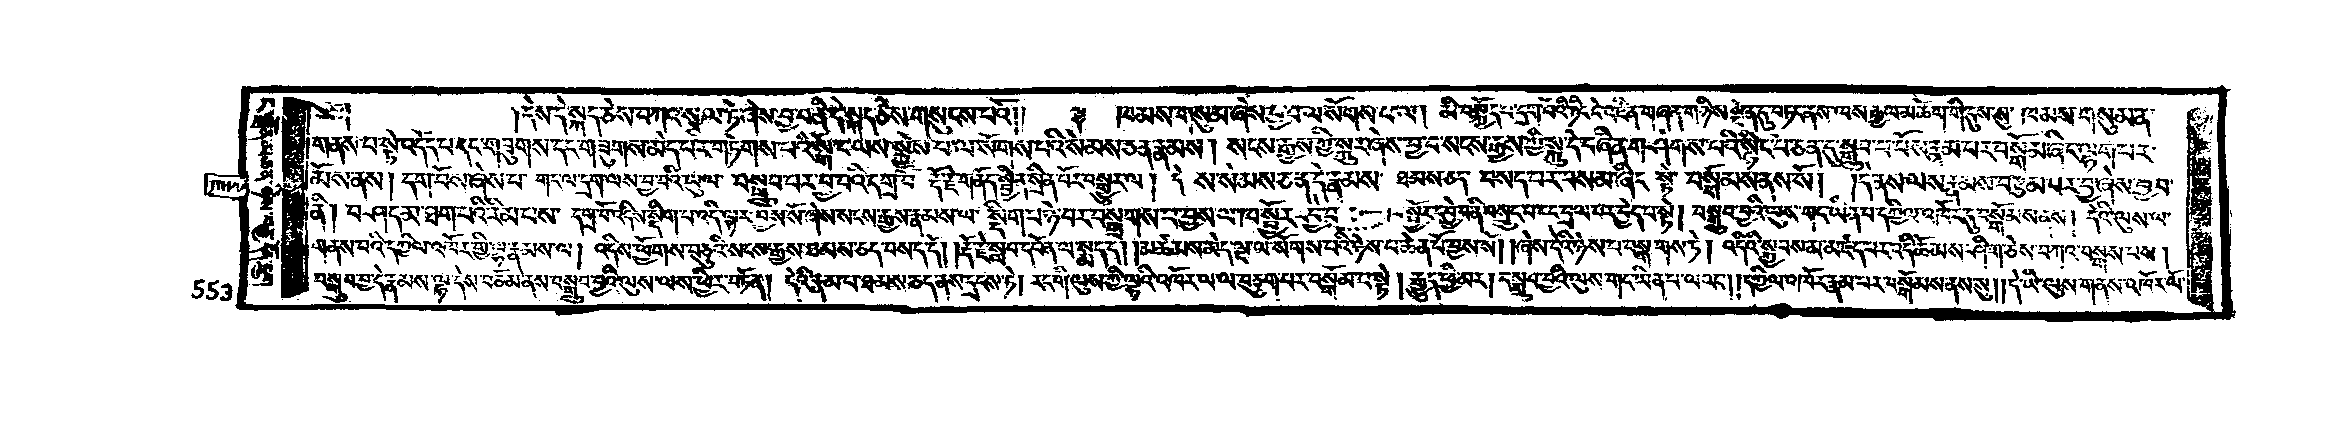༄༅། །དེས་དེ་སྐད་ཅེས་བཀའ་སྩལ་ཏེ་ཞེས་བྱ་བ་ནི་དེ་སྐད་ཅེས་གསུངས་པའོ།། ༈ ཁམས་གསུམ་ཞེས་བྱ་བ་ལ་སོགས་པ་ལ། མི་བསྐྱོད་པ་དྲག་པོའི་ཏིང་ངེ་འཛིན་གཞན་གཉིས་སྔོན་དུ་བཏང་ནས་ལས་རྒྱལ་མཆོག་གི་དུས་སུ་ཁམས་གསུམ་ན་
གནས་པ་སྟེ་འདོད་པ་དང་གཟུགས་དང་གཟུགས་མེད་པར་གཏོགས་པའི་སྒོ་ང་ལས་སྐྱེས་པ་ལ་སོགས་པའི་སེམས་ཅན་རྣམས། སངས་རྒྱས་ཀྱི་སྐུར་ཞེས་བྱ་བ་སངས་རྒྱས་ཀྱི་སྐུ་དེ་བཞིན་གཤེགས་པའི་སྙིང་པོ་ཅན་དུ་སྒྲུབ་པ་པོས་རྣམ་པར་བསྒོམ་ཞིང་ལྷག་པར་
མོས་ནས། དག་བོས་ཞེས་པ་གང་ལ་དྲག་ལས་བྱ་བའི་ཡུལ་བསྒྲུབ་པར་བྱ་བའི་དགྲ་བོ་རྡོ་རྗེ་གནོད་སྦྱིན་སྲིན་པོར་བསྒྱུར་ལ། དེས་སེམས་ཅན་དེ་རྣམས་ཐམས་ཅད་བསད་པར་བསམ་ཞིང་སྟེ་བསྒོམས་ནས་སོ། །དེ་ནས་ལས་རྣམས་བརྩམ་པར་བྱ་ཞེས་བྱ་བ་
ནི། བཤད་མ་ཐག་པའི་རིམ་པས་དགྲ་བོ་འདིས་སྡིག་པ་འདི་ལྟར་བྱས་སོ་ཞེས་སངས་རྒྱས་རྣམས་ལ་སྡིག་པ་ཉེ་བར་བསྒྲགས་པ་བྱས་ལ་ཁ་སྦྱོར་དབྱེ་བཿ་?་སྦྱོར་དབྱེ་བ་ནི་བསྲུང་བ་དང་བྲལ་བར་བྱེད་པ་སྟེ། བསྒྲུབ་བྱའི་ལུས་གང་ཡིན་པ་དཀྱིལ་འཁོར་དུ་བསྒོམས་ནས། དེའི་ལུས་ལ་
གནས་པའི་དཀྱིལ་འཁོར་གྱི་ལྷ་རྣམས་ལ། འདིས་ཕྱོགས་བཅུའི་སངས་རྒྱས་ཐམས་ཅད་བསད་དེ། །རྡོ་རྗེ་སློབ་དཔོན་ལ་སྨད་དོ། །མཚམས་མེད་ལྔ་ལ་སོགས་པའི་ཉེས་པ་ཆེན་པོ་བྱས་སོ། །ཞེས་དེའི་ཉེས་པ་བསྒྲགས་ཏེ། འདིའི་སྐྱབས་མ་མཛད་པར་འདི་ཆོམས་ཤིག་ཅེས་བཀའ་བསྒོས་པས།
བསྒྲུབ་བྱ་དེ་རྣམས་ལྷ་དེས་བཅོམ་ནས་བསྒྲུབ་བྱའི་ལུས་ལས་ཕྱིར་བཏོན། དེའི་རྣམ་པ་ཐམས་ཅད་ནས་དྲངས་ཏེ། རང་གི་ལུས་ཀྱི་ལྷའི་འཁོར་ལ་ལ་བཅུག་པར་བསྒོམ་པ་སྟེ། རྒྱུད་ཕྱི་མར། བསྒྲུབ་བྱའི་ལུས་གང་ཡིན་པ་ལའང་། །དཀྱིལ་འཁོར་རྣམ་པར་བསྒོམས་ནས་སུ། །དེ་ཡི་ལུས་གནས་འཁོར་ལོ་